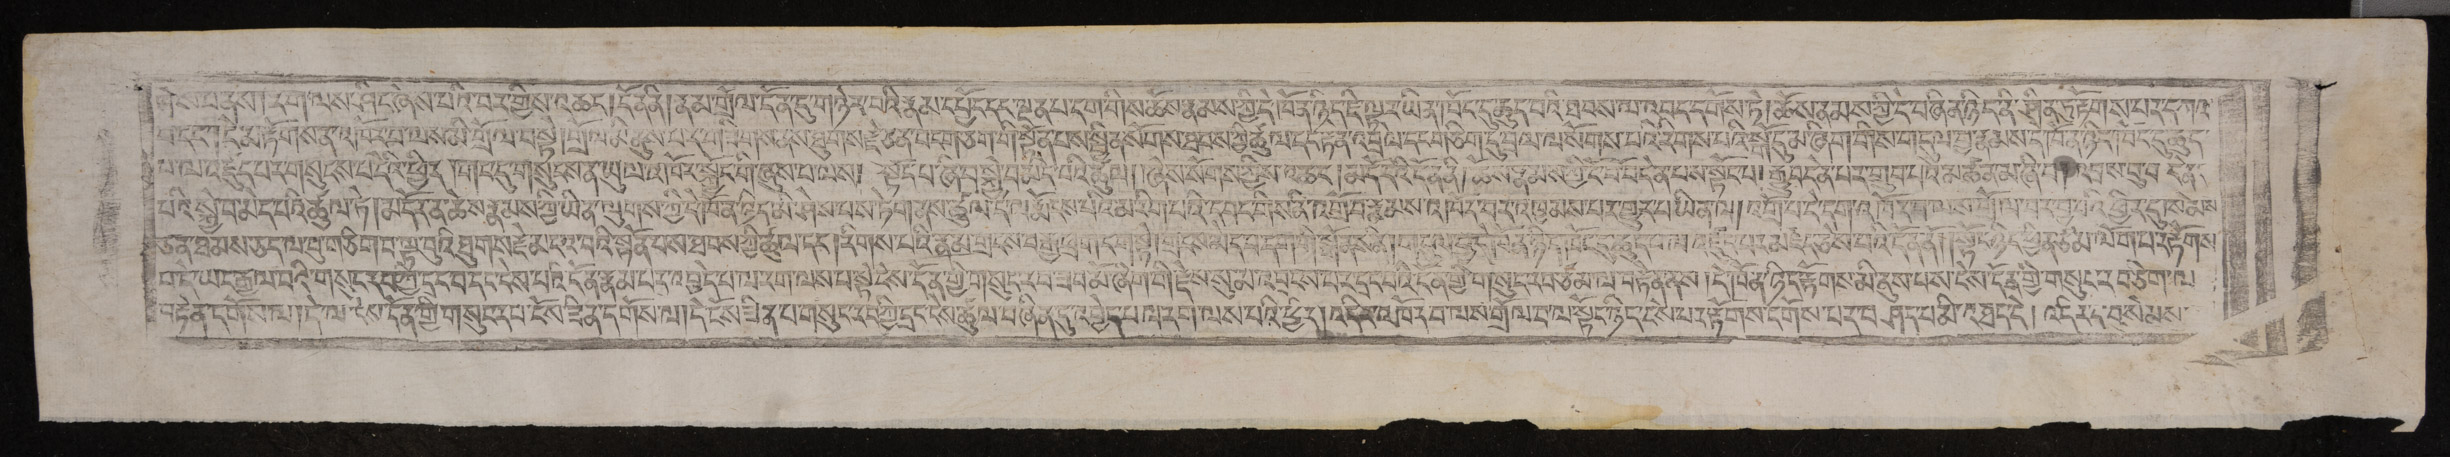ཞེས་པ་ནས། རག་ལས་ཤིང་ཞེས་པའི་བར་གྱིས་འཆད། དོན་ནི། རྣམ་གྲོལ་དོན་དུ་གཉེར་བའི་རྣམ་དཔྱོད་དང་ལྡན་པ་དག་གིས་ཆོས་རྣམས་ཀྱི་དེ་ཁོ་ན་ཉིད་ཇི་ལྟར་ཡིན་ཁོང་དུ་ཆུད་པའི་ཐབས་ལ་འབད་དགོས་ཏེ། ཆོས་རྣམས་ཀྱི་དེ་བཞིན་ཉིད་ནི་ཤིན་ཏུ་རྟོགས་པར་དཀའ་
བ་དང་། དེ་མ་རྟོགས་ན་འཁོར་བ་ལས་མི་གྲོལ་བ་སྟེ། གྲོལ་མི་ནུས་པར་གཟིགས་ནས་ཐུགས་རྗེ་ཅན་བདག་ཅག་གི་སྟོན་པས་སྦྱིན་སོགས་ཐབས་ཀྱི་ཚུལ་དང་རྟེན་འབྲེལ་དང་གཅིག་དུ་སོགས་པའི་རིགས་པའི་སྒོ་དུ་མ་ཞིག་གིས་གདུལ་བྱ་རྣམས་དེ་ཁོ་ན་ཉིད་ཁོང་དུ་ཆུད་
པ་ལ་འཛུད་པར་གསུངས་པ་དེའི་ཕྱིར། གང་དུ་གསུངས་ན་ཡུལ་འཁོར་སྐྱོང་གི་ཞུས་པ་ལས། སྟོད་པ་ཞི་པ་སྐྱེ་བ་མེད་པའི་ཚུལ། །ཞེས་སོགས་ཀྱིས་འཆད། མདོ་དེའི་དོན་ནི། ཆོས་རྣམས་ཀྱི་ངོ་བོ་བདེན་པས་སྟོང་པ། རྒྱུ་བདེན་པར་གྲུབ་པའི་མཚན་མ་ཞི་བ། འབྲས་བུ་བདེན་
པའི་སྐྱེ་བ་མེད་པའི་ཚུལ་ཏེ། མདོར་ན་ཆོས་རྣམས་ཀྱི་ཡིན་ལུགས་ཀྱི་དེ་ཁོ་ན་ཉིད་མི་ཤེས་པས་ཏེ་གནས་ཚུལ་དེ་ལ་རྨོངས་པའི་མ་རིག་པའི་དབང་གིས་ནི་འགྲོ་བ་རྣམས་འཁོར་བར་འཁྱམས་པར་གྱུར་པ་ཡིན་ལ། འགྲོ་བ་དེ་དག་འཁོར་བ་ལས་གྲོལ་བར་བྱ་བའི་ཕྱིར་དུ། སེམས་
ཅན་ཐམས་ཅད་ལ་བུ་གཅིག་པ་ལྟ་བུའི་ཐུགས་རྗེ་མངའ་བའི་སྟོན་པས་ཐབས་ཀྱི་ཚུལ་དང་། རིགས་པའི་རྣམ་གྲངས་བརྒྱ་ཕྲག་དག་སྟེ། གྲངས་མེད་པ་དག་གི་སྒོ་ནས་ནི། གདུལ་བྱ་དེ་ཁོ་ན་ཉིད་ཁོང་དུ་ཆུད་པ་ལ་འཛུད་པར་མཛད་ཅེས་པའི་དོན་ནོ། །སྟོང་ཉིད་ཕྱིན་ཅི་མ་ལོག་པར་རྟོགས་
པ་དེ་ཡང་རྒྱལ་བའི་གསུང་རབ་ཀྱི་དྲང་བ་དང་ངེས་པའི་དོན་རྣམ་པར་འབྱེད་པ་ལ་རབ་ལས་པ་སྟེ་ངེས་དོན་གྱི་གསུང་རབ་ཟབ་མོ་ཞིག་གི་རྗེས་སུ་མ་འབྲངས་པར་དྲང་བའི་དོན་གྱི་གསུང་རབ་ཙམ་ལ་བརྟེན་ནས། དེ་ཁོ་ན་ཉིད་རྟོགས་མི་ནུས་པས་ངེས་དོན་གྱི་གསུང་རབ་ཅིག་ལ་
བརྟེན་དགོས་ལ། དེ་ལ་ངེས་དོན་གྱི་གསུང་རབ་ངོས་ཟིན་དགོས་ལ། དེ་ངོས་ཟིན་པ་གསུང་རབ་ཀྱི་དྲང་ངེས་ཚུལ་བཞིན་དུ་འབྱེད་པ་ལ་རག་ལས་པའི་ཕྱིར། འདིར་འཁོར་བ་ལས་གྲོལ་བ་ལ་སྟོང་ཉིད་ངེས་པར་རྟོགས་དགོས་པར་བཤད་པ་མི་འཐད་དེ། འདིར་དབུ་སེམས་